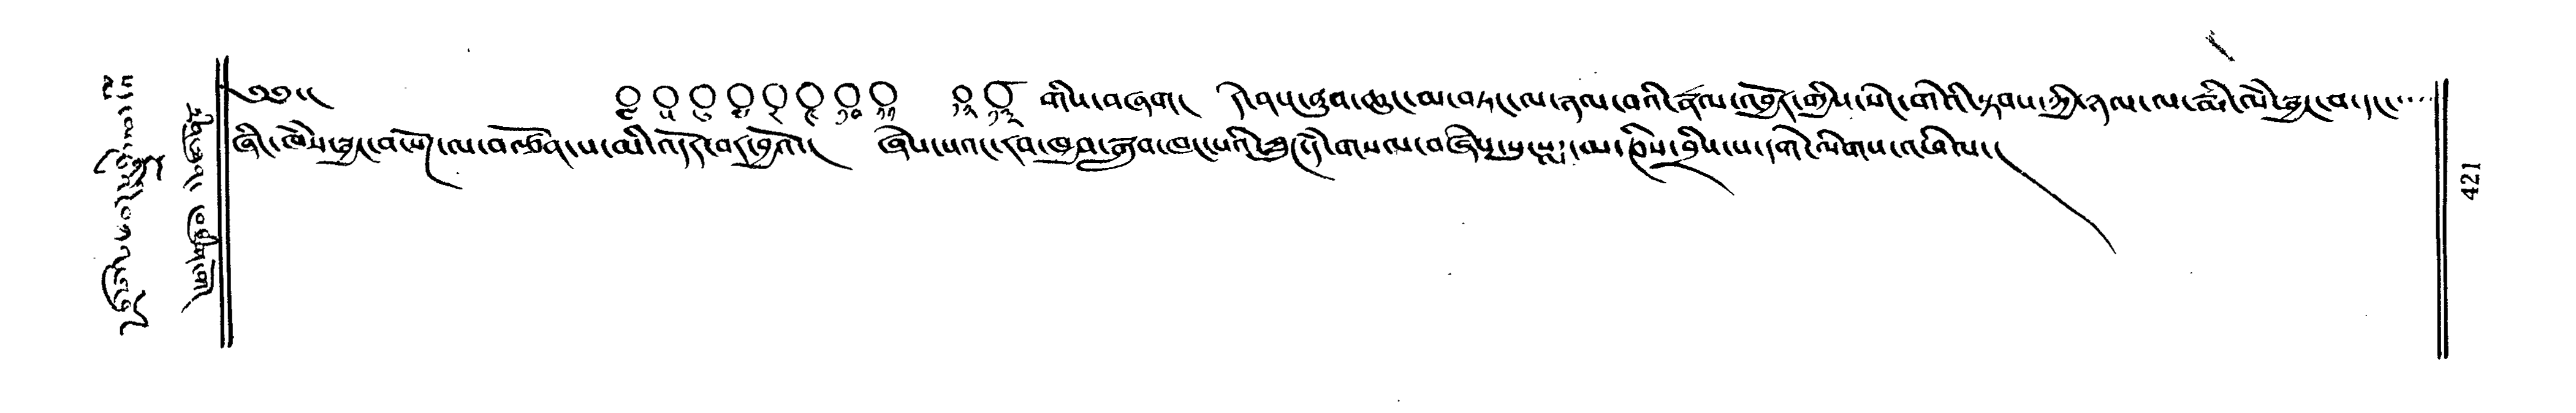གིས་གཞག དེ་ནས་ལེའུ་བདུན་མའི་ནུབ་ཆུང་མ་བཏང་ལ་ཉལ་བའི་རྣལ་འབྱོར་གྱིས་སེང་གེའི་སྟབས་ཀྱི་ཉལ་ལ་རྨི་ལམ་སྦྱོང་བ་དང་། 
ཞིང་ཁམས་སྦྱོང་བ་སོགས་ལ་བརྩོན་པ་མི་འདོར་བར་བྱའོ།། ཞེས་པའང་རབ་ཁྱབ་སྒྲུབ་ཁང་པའི་ཐུགས་དམ་གསལ་བཞེས་སུ་པདྨ་མ་ཎིས་བྲིས་པ་དགེ་ལེགས་འཕེལ།།